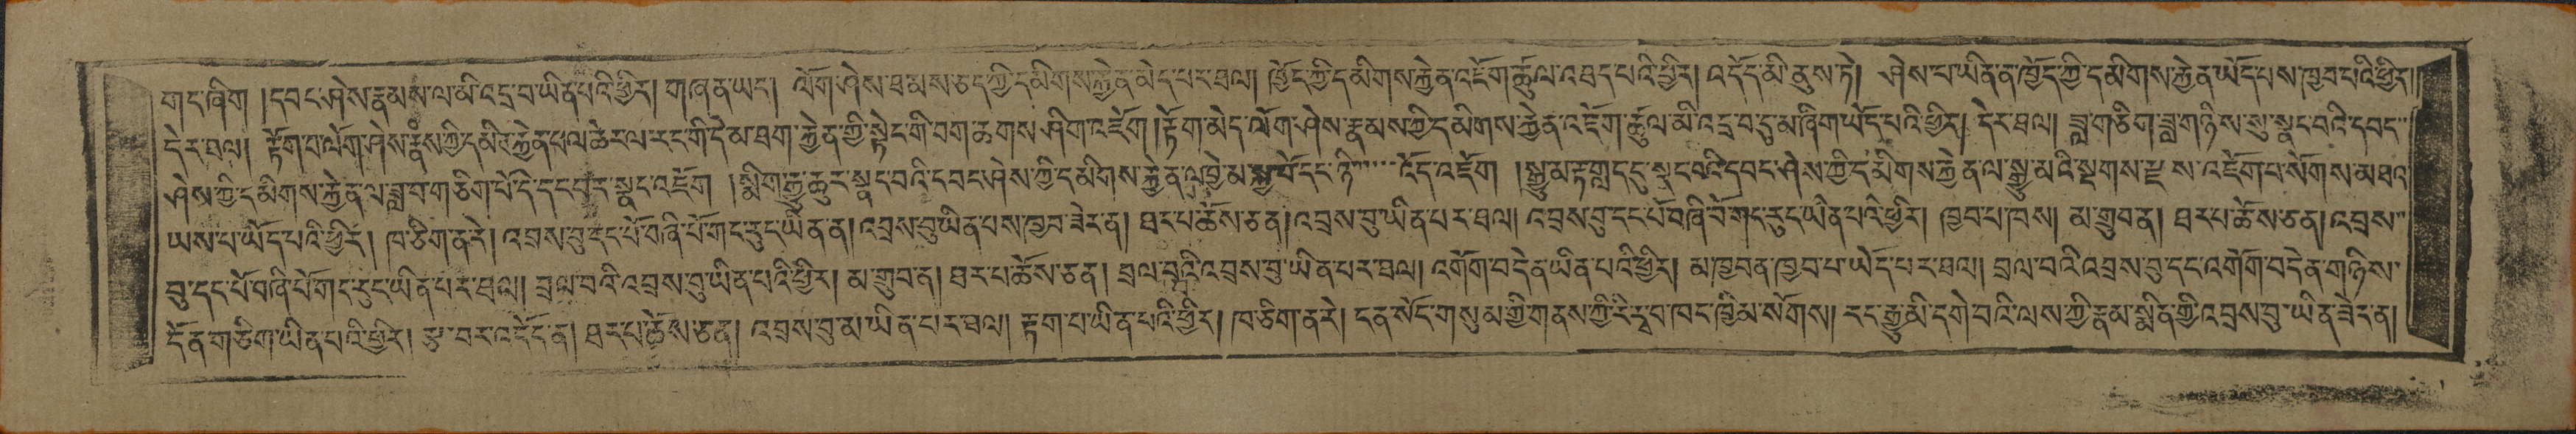གང་ཞིག །དབང་ཤེས་རྣམས་ལ་མི་འདྲ་བ་ཡིན་པའི་ཕྱིར། གཞན་ཡང་། ལོག་ཤེས་ཐམས་ཅད་ཀྱི་དམིགས་རྐྱེན་མེད་པར་ཐལ། ཁྱོད་ཀྱི་དམིགས་རྐྱེན་འཇོག་ཚུལ་འཐད་པའི་ཕྱིར། འདོད་མི་ནུས་ཏེ། ཤེས་པ་ཡིན་ན་ཁྱོད་ཀྱི་དམིགས་རྐྱེན་ཡོད་པས་ཁྱབ་པའི་ཕྱིར།
དེར་ཐལ། རྟོག་པ་ལོག་ཤེས་རྣམས་ཀྱི་དམིགས་རྐྱེན་ཕལ་ཆེར་ལ་རང་གི་དེ་མ་ཐག་རྐྱེན་གྱི་སྟེང་གི་བག་ཆགས་ཤིག་འཇོག །རྟོག་མེད་ལོག་ཤེས་རྣམས་ཀྱི་དམིགས་རྐྱེན་འཇོག་ཚུལ་མི་འདྲ་བ་དུ་མ་ཞིག་ཡོད་པའི་ཕྱིར། དེར་ཐལ། ཟླ་གཅིག་ཟླ་གཉིས་སུ་སྣང་བའི་དབང་
ཤེས་ཀྱི་དམིགས་རྐྱེན་ལ་ཟླ་བ་གཅིག་པོ་དེ་དང་བར་སྣང་འཇོག །སྨིག་རྒྱུ་ཆུར་སྣང་བའི་དབང་ཤེས་ཀྱི་དམིགས་རྐྱེན་ལ་བྱེ་མ་སྐྱ་བོ་དང་ཉི་འོད་འཇོག །སྒྱུ་མ་རྟ་གླད་དུ་སྣང་བའི་དབང་ཤེས་ཀྱི་དམིགས་རྐྱེན་ལ་སྒྱུ་མའི་སྔགས་རྫས་འཇོག་པ་སོགས་མཐའ་
ཡས་པ་ཡོད་པའི་ཕྱིར། ཁ་ཅིག་ན་རེ། འབྲས་བུ་དང་པོ་བཞི་པོ་གང་རུང་ཡིན་ན། འབྲས་བུ་ཡིན་པས་ཁྱབ་ཟེར་ན། ཐར་པ་ཆོས་ཅན། འབྲས་བུ་ཡིན་པར་ཐལ། འབྲས་བུ་དང་པོ་བཞི་བོ་གང་རུང་ཡིན་པའི་ཕྱིར། ཁྱབ་པ་ཁས། མ་གྲུབ་ན། ཐར་པ་ཆོས་ཅན། འབྲས་
བུ་དང་པོ་བཞི་པོ་གང་རུང་ཡིན་པར་ཐལ། བྲལ་བའི་འབྲས་བུ་ཡིན་པའི་ཕྱིར། མ་གྲུབ་ན། ཐར་པ་ཆོས་ཅན། བྲལ་བའི་འབྲས་བུ་ཡིན་པར་ཐལ། འགོག་བདེན་ཡིན་པའི་ཕྱིར། མ་ཁྱབ་ན་ཁྱབ་པ་ཡོད་པར་ཐལ། བྲལ་བའི་འབྲས་བུ་དང་འགོག་བདེན་གཉིས་
དོན་གཅིག་ཡིན་པའི་ཕྱིར། རྩ་བར་འདོད་ན། ཐར་པ་ཆོས་ཅན། འབྲས་བུ་མ་ཡིན་པར་ཐལ། རྟག་པ་ཡིན་པའི་ཕྱིར། ཁ་ཅིག་ན་རེ། ངན་སོང་གསུམ་གྱི་གནས་ཀྱི་རི་རྭ་བ་ཁང་ཁྱིམ་སོགས། རང་རྒྱུ་མི་དགེ་བའི་ལས་ཀྱི་རྣམ་སྨིན་གྱི་འབྲས་བུ་ཡིན་ཟེར་ན།